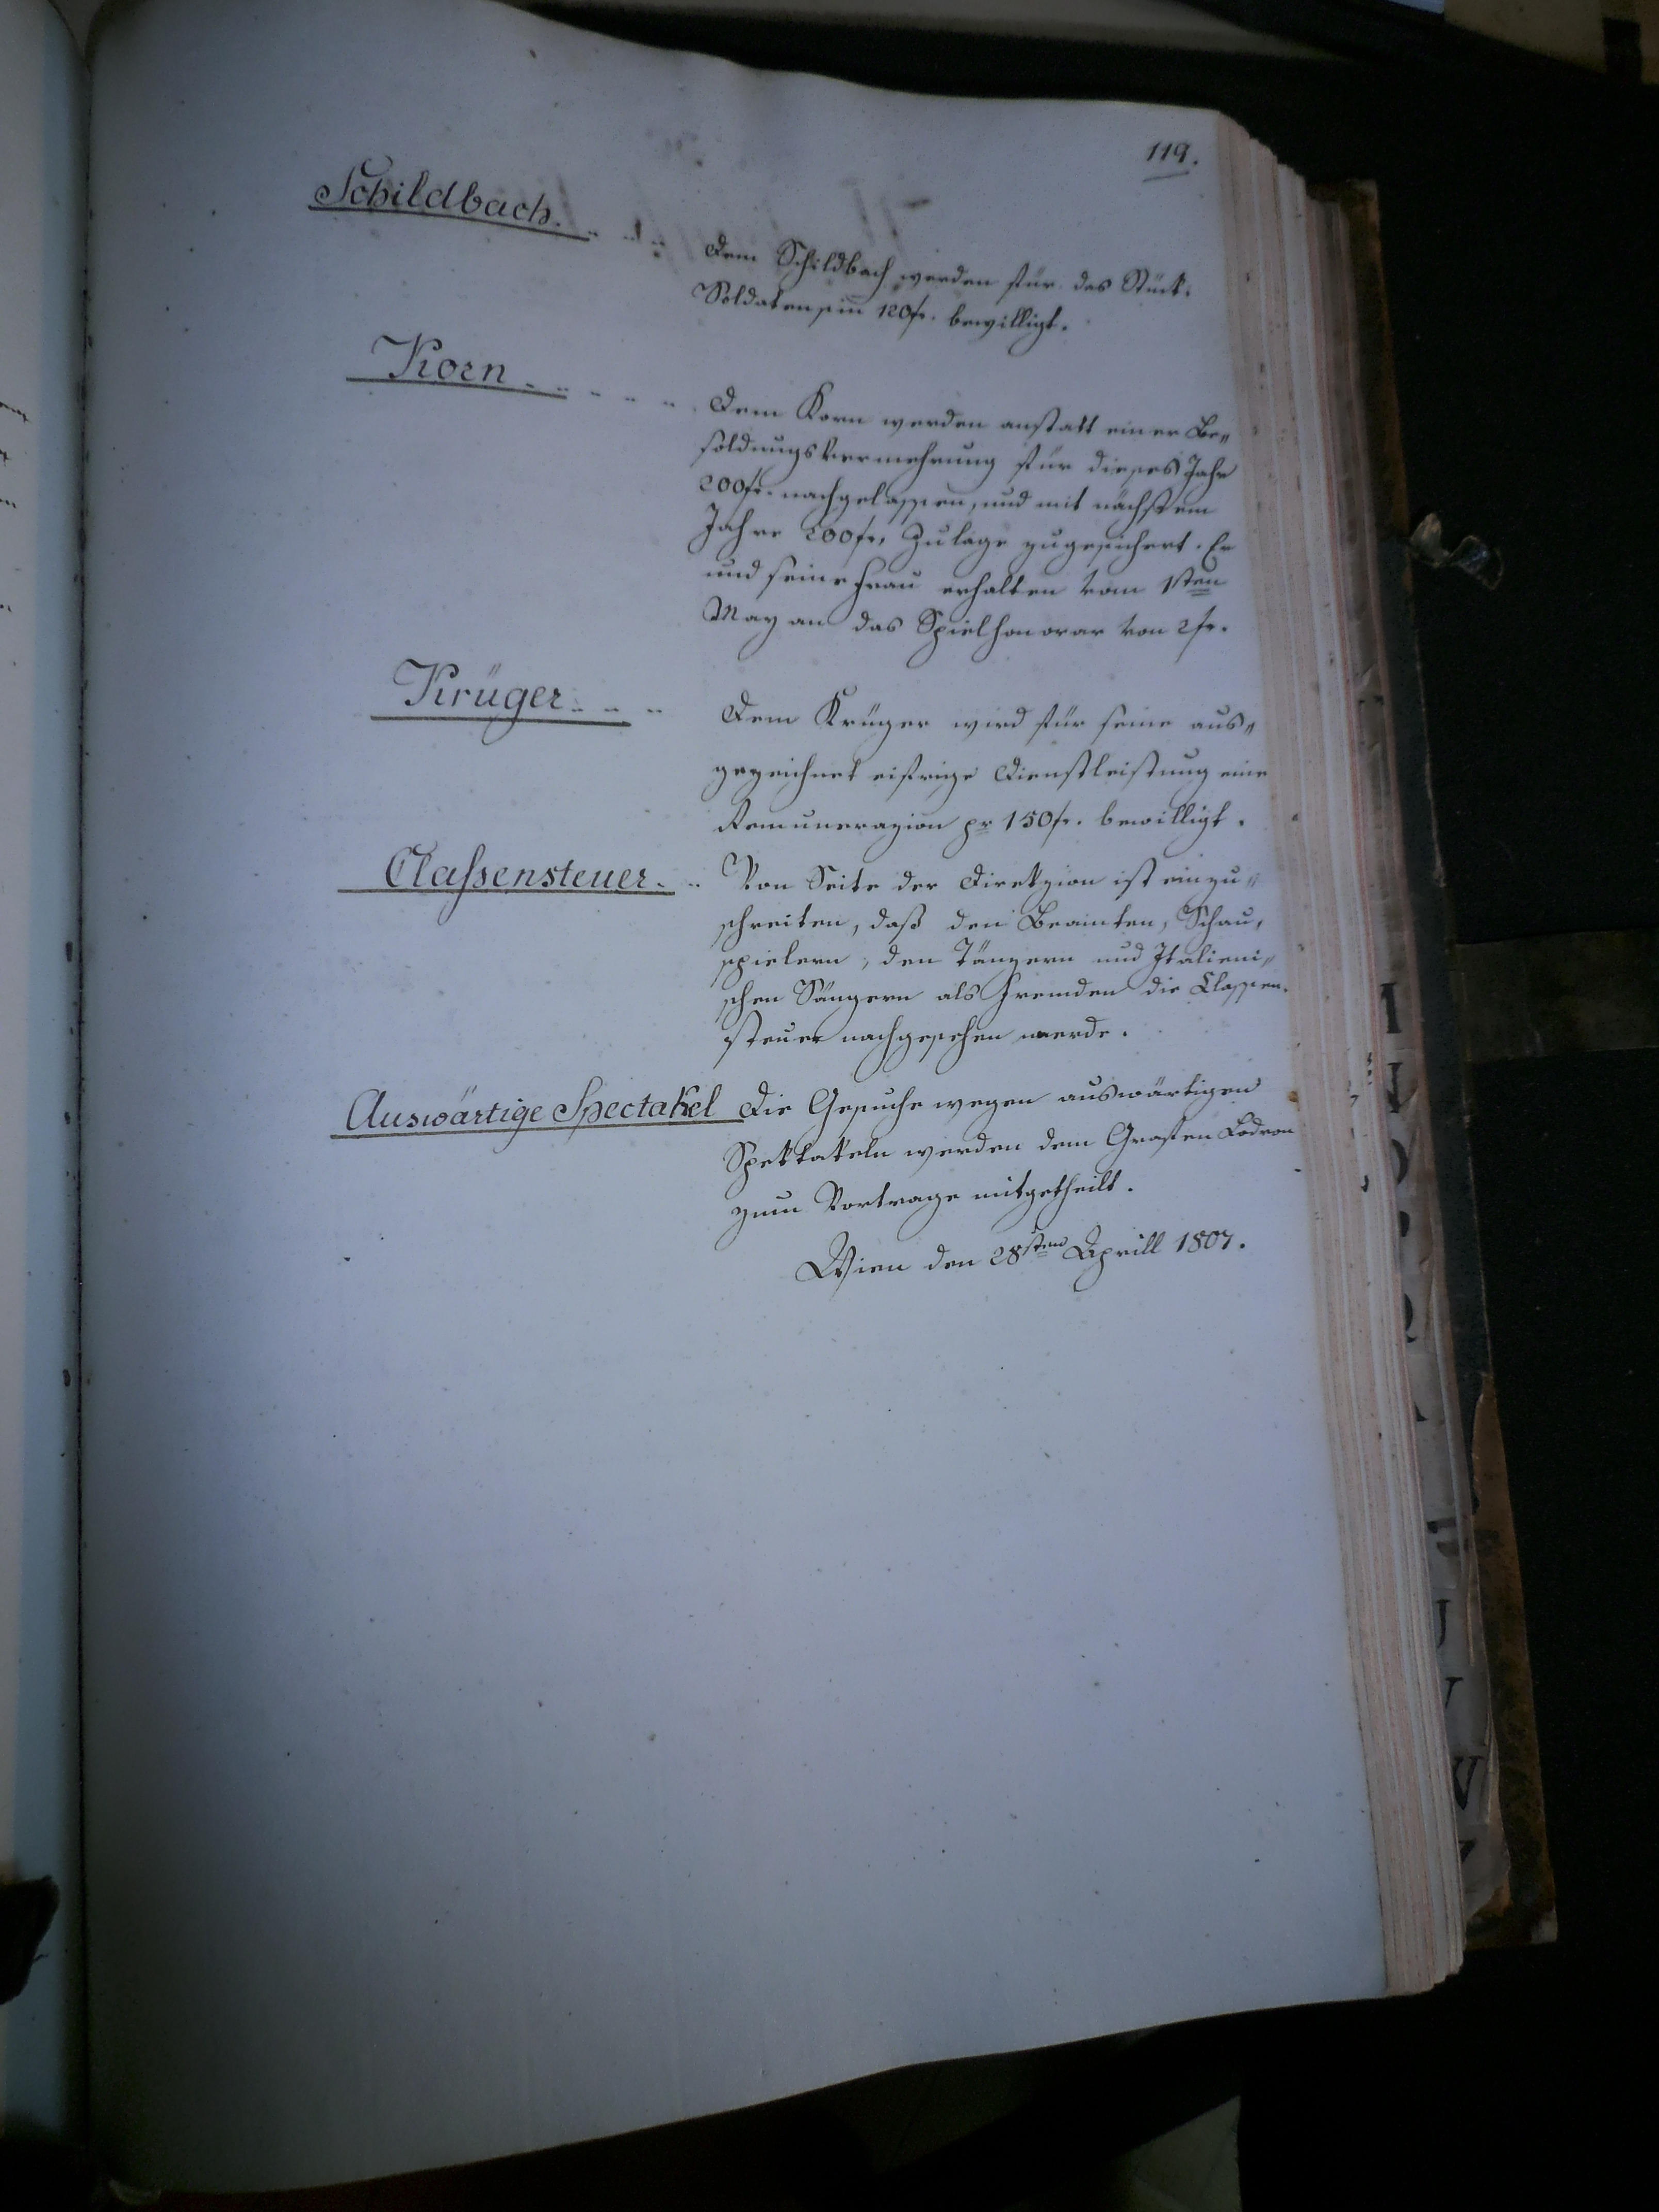119.
Schildbach. .. .. .. Dem Schildbach werden für das Stück:
Soldatensin̅ 120fr. bewilligt.
Korn .. .. .. .. .. Dem Korn werden anstatt einer Be¬
soldungsvermehrung für dieses Jahr
200fr. nachgelassen, und mit nächstem
Jahre 200fr. Zulage zugesichert. Er
und seine Frau erhalten vom 1ste͇n
May an das Spielhonorar von 2fr.
Krüger .. .. .. Dem Krüger wird für seine aus¬
gezeichnet eifrige Dienstleistung eine
Remunerazion pr 150fr. bewilligt.
Classensteuer .. .. Von Seite der Direkzion ist einzu¬
schreiten, daß den Beamten, Schau¬
spielern, den Tänzern und Italieni¬
schen Sängern als Fremden die Classen¬
steuer nachgesehen werde.
Auswärtige Spectakel Die Gesuche wegen auswärtigen
Spektakeln werden dem Grafen Lodron
zum Vortrage mitgetheilt.
Wien den 28ste͇n Aprill 1807.